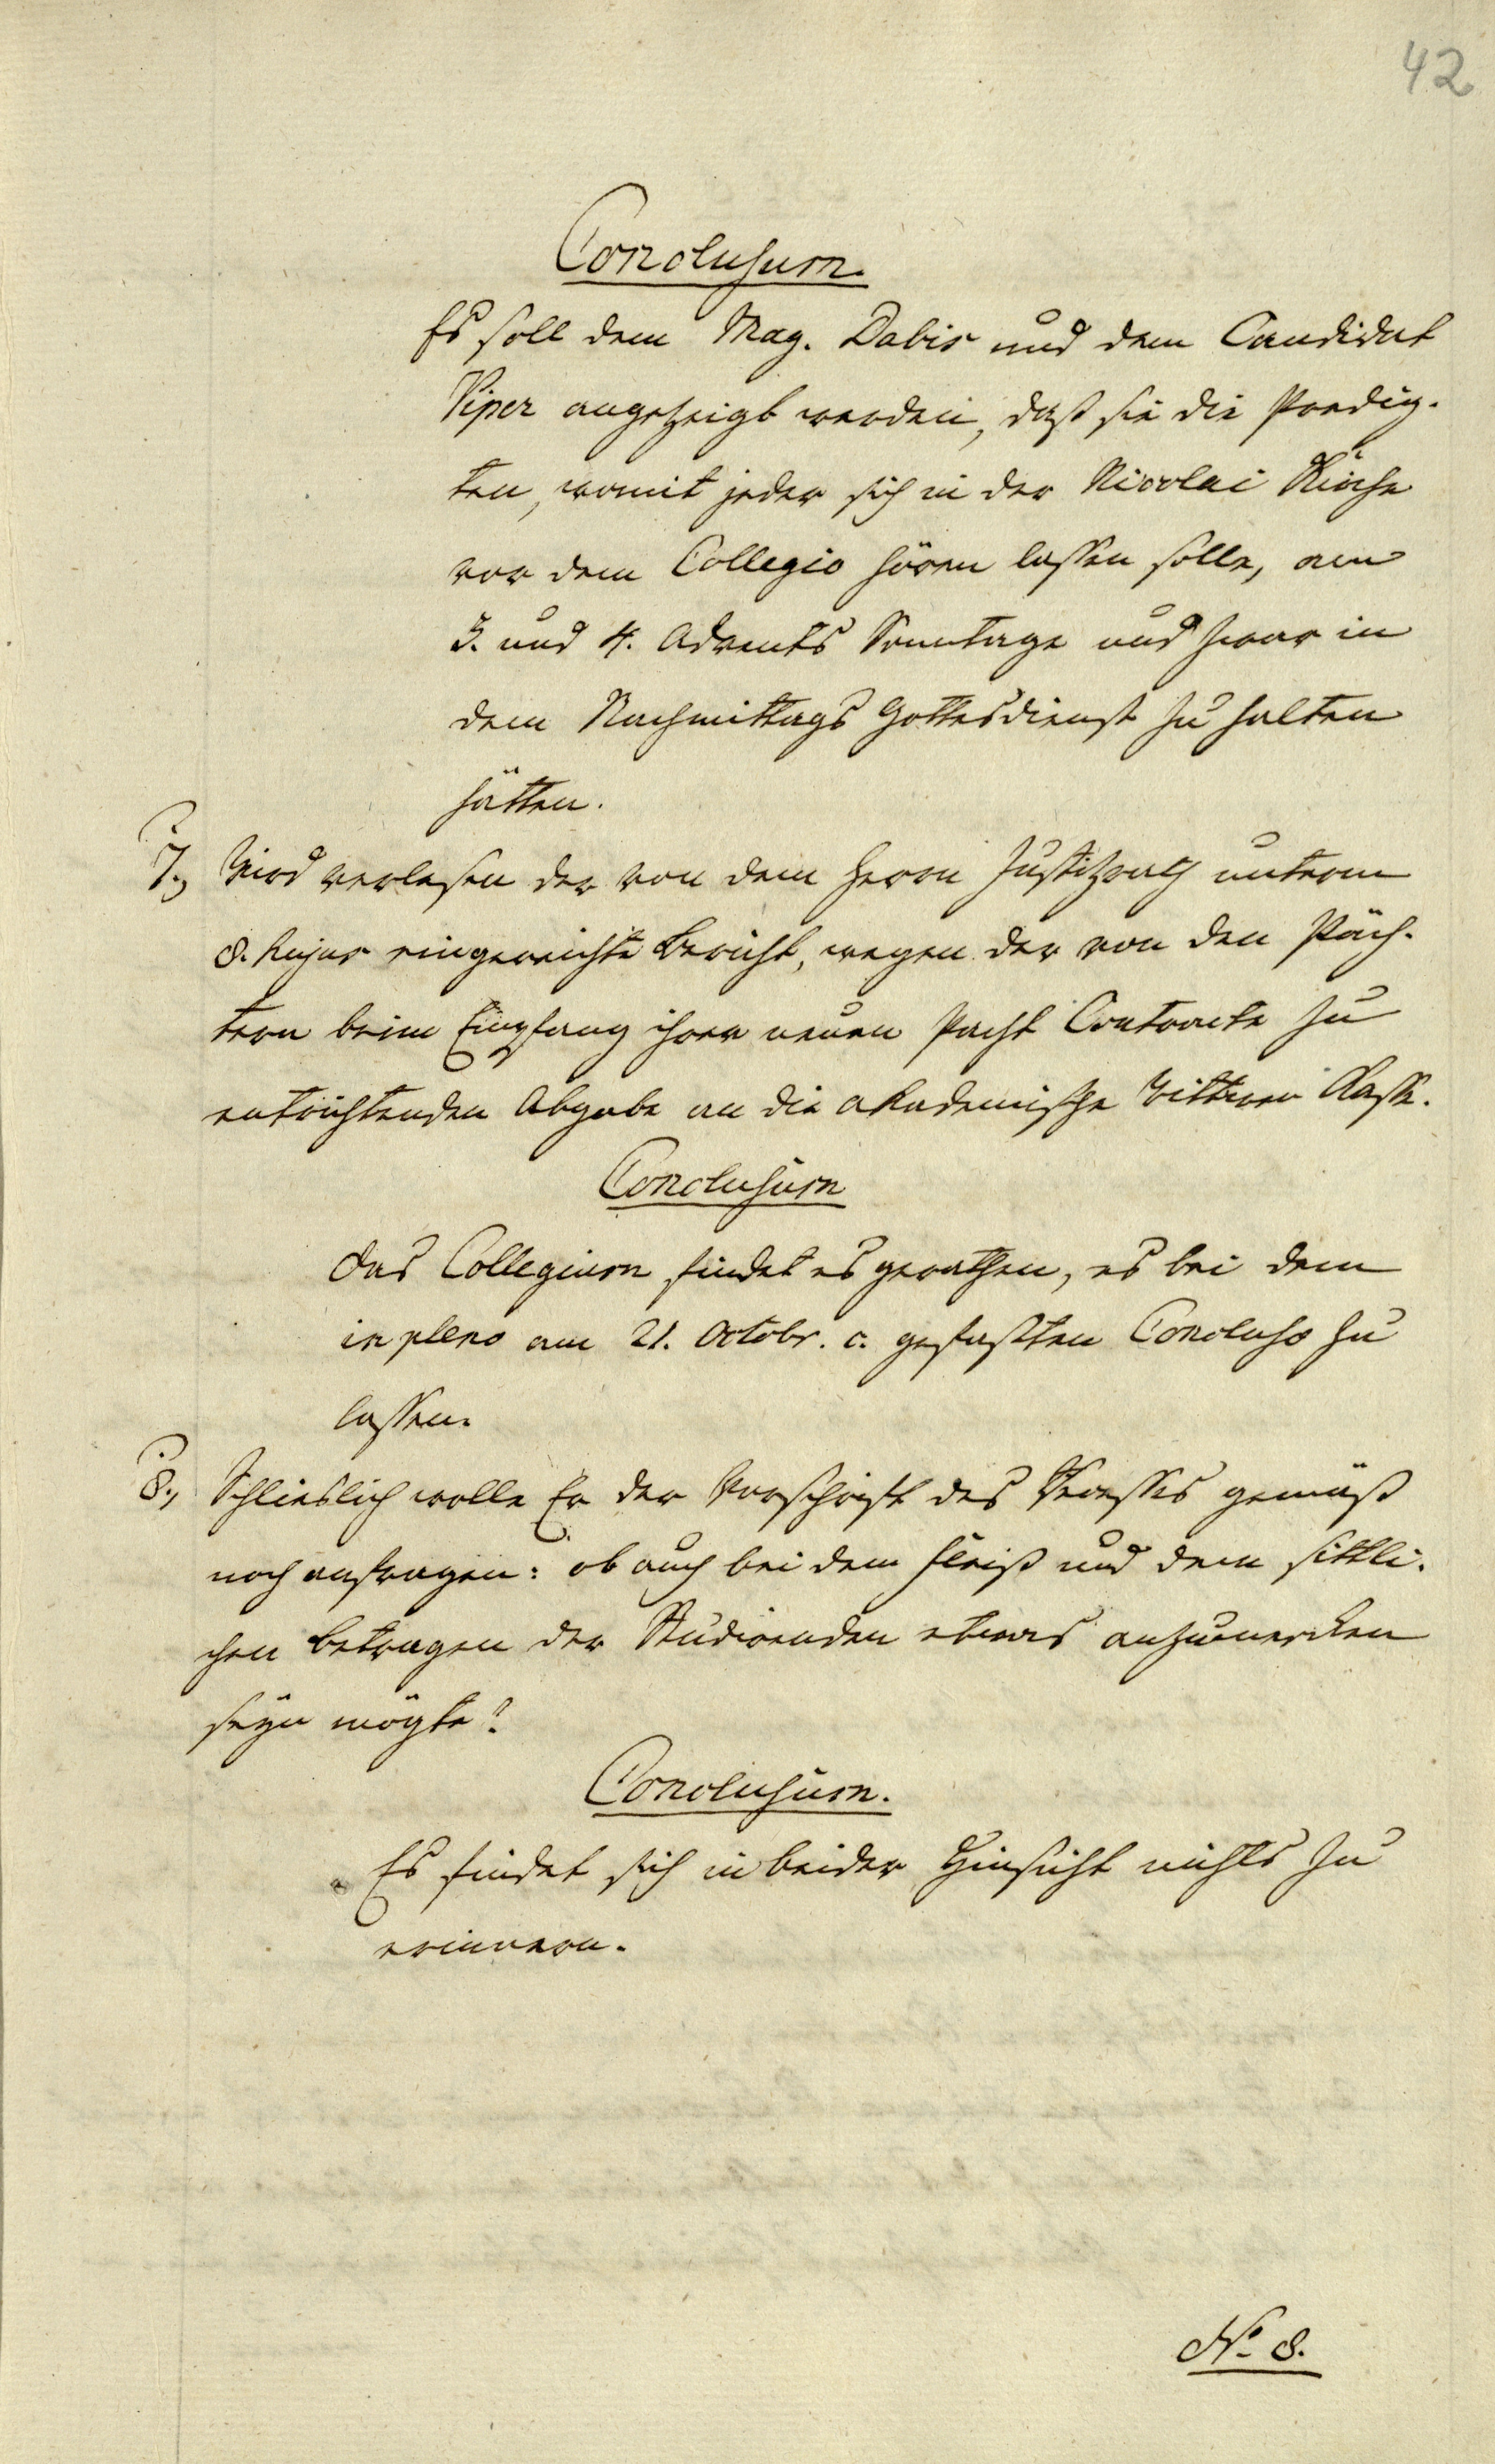Conclusum
Es soll dem Mag. Dabis und dem Candidat
Piper angezeigt werden, daß sie die Predig¬
ten, womit jeder sich in der Nicolai Kirche
vor dem Collegio hören lassen solle, am
3. und 4. Advents Sonntage und zwar in
dem Nachmitags Gottesdienst zu halten
hätten.
7., Wird verlesen der von dem Herrn Justizrath unterm
8. hujus eingereichte Bericht, wegen der von den Päch¬
tern beim Empfang ihren neuen Pacht Contracte zu
entrichtenden Abgabe an die akademische Wittwen Kasse.
Conclusum
Das Collegium findet es gerathen, es bei dem
in pleno am 2. Octobr. c. gefaßten Concluso zu
lassen.
5., Schlieslich wolle Er der Vorschrift des Recesses gemäß
noch anfragen: ob auch bei dem Fleiß und dem sittli¬
chen Betragen der Studirenden etwas anzumercken
seÿn mögte?
Conclusum.
Es findet sich in beider Hinsicht nichts zu
erinnern.
No 8.